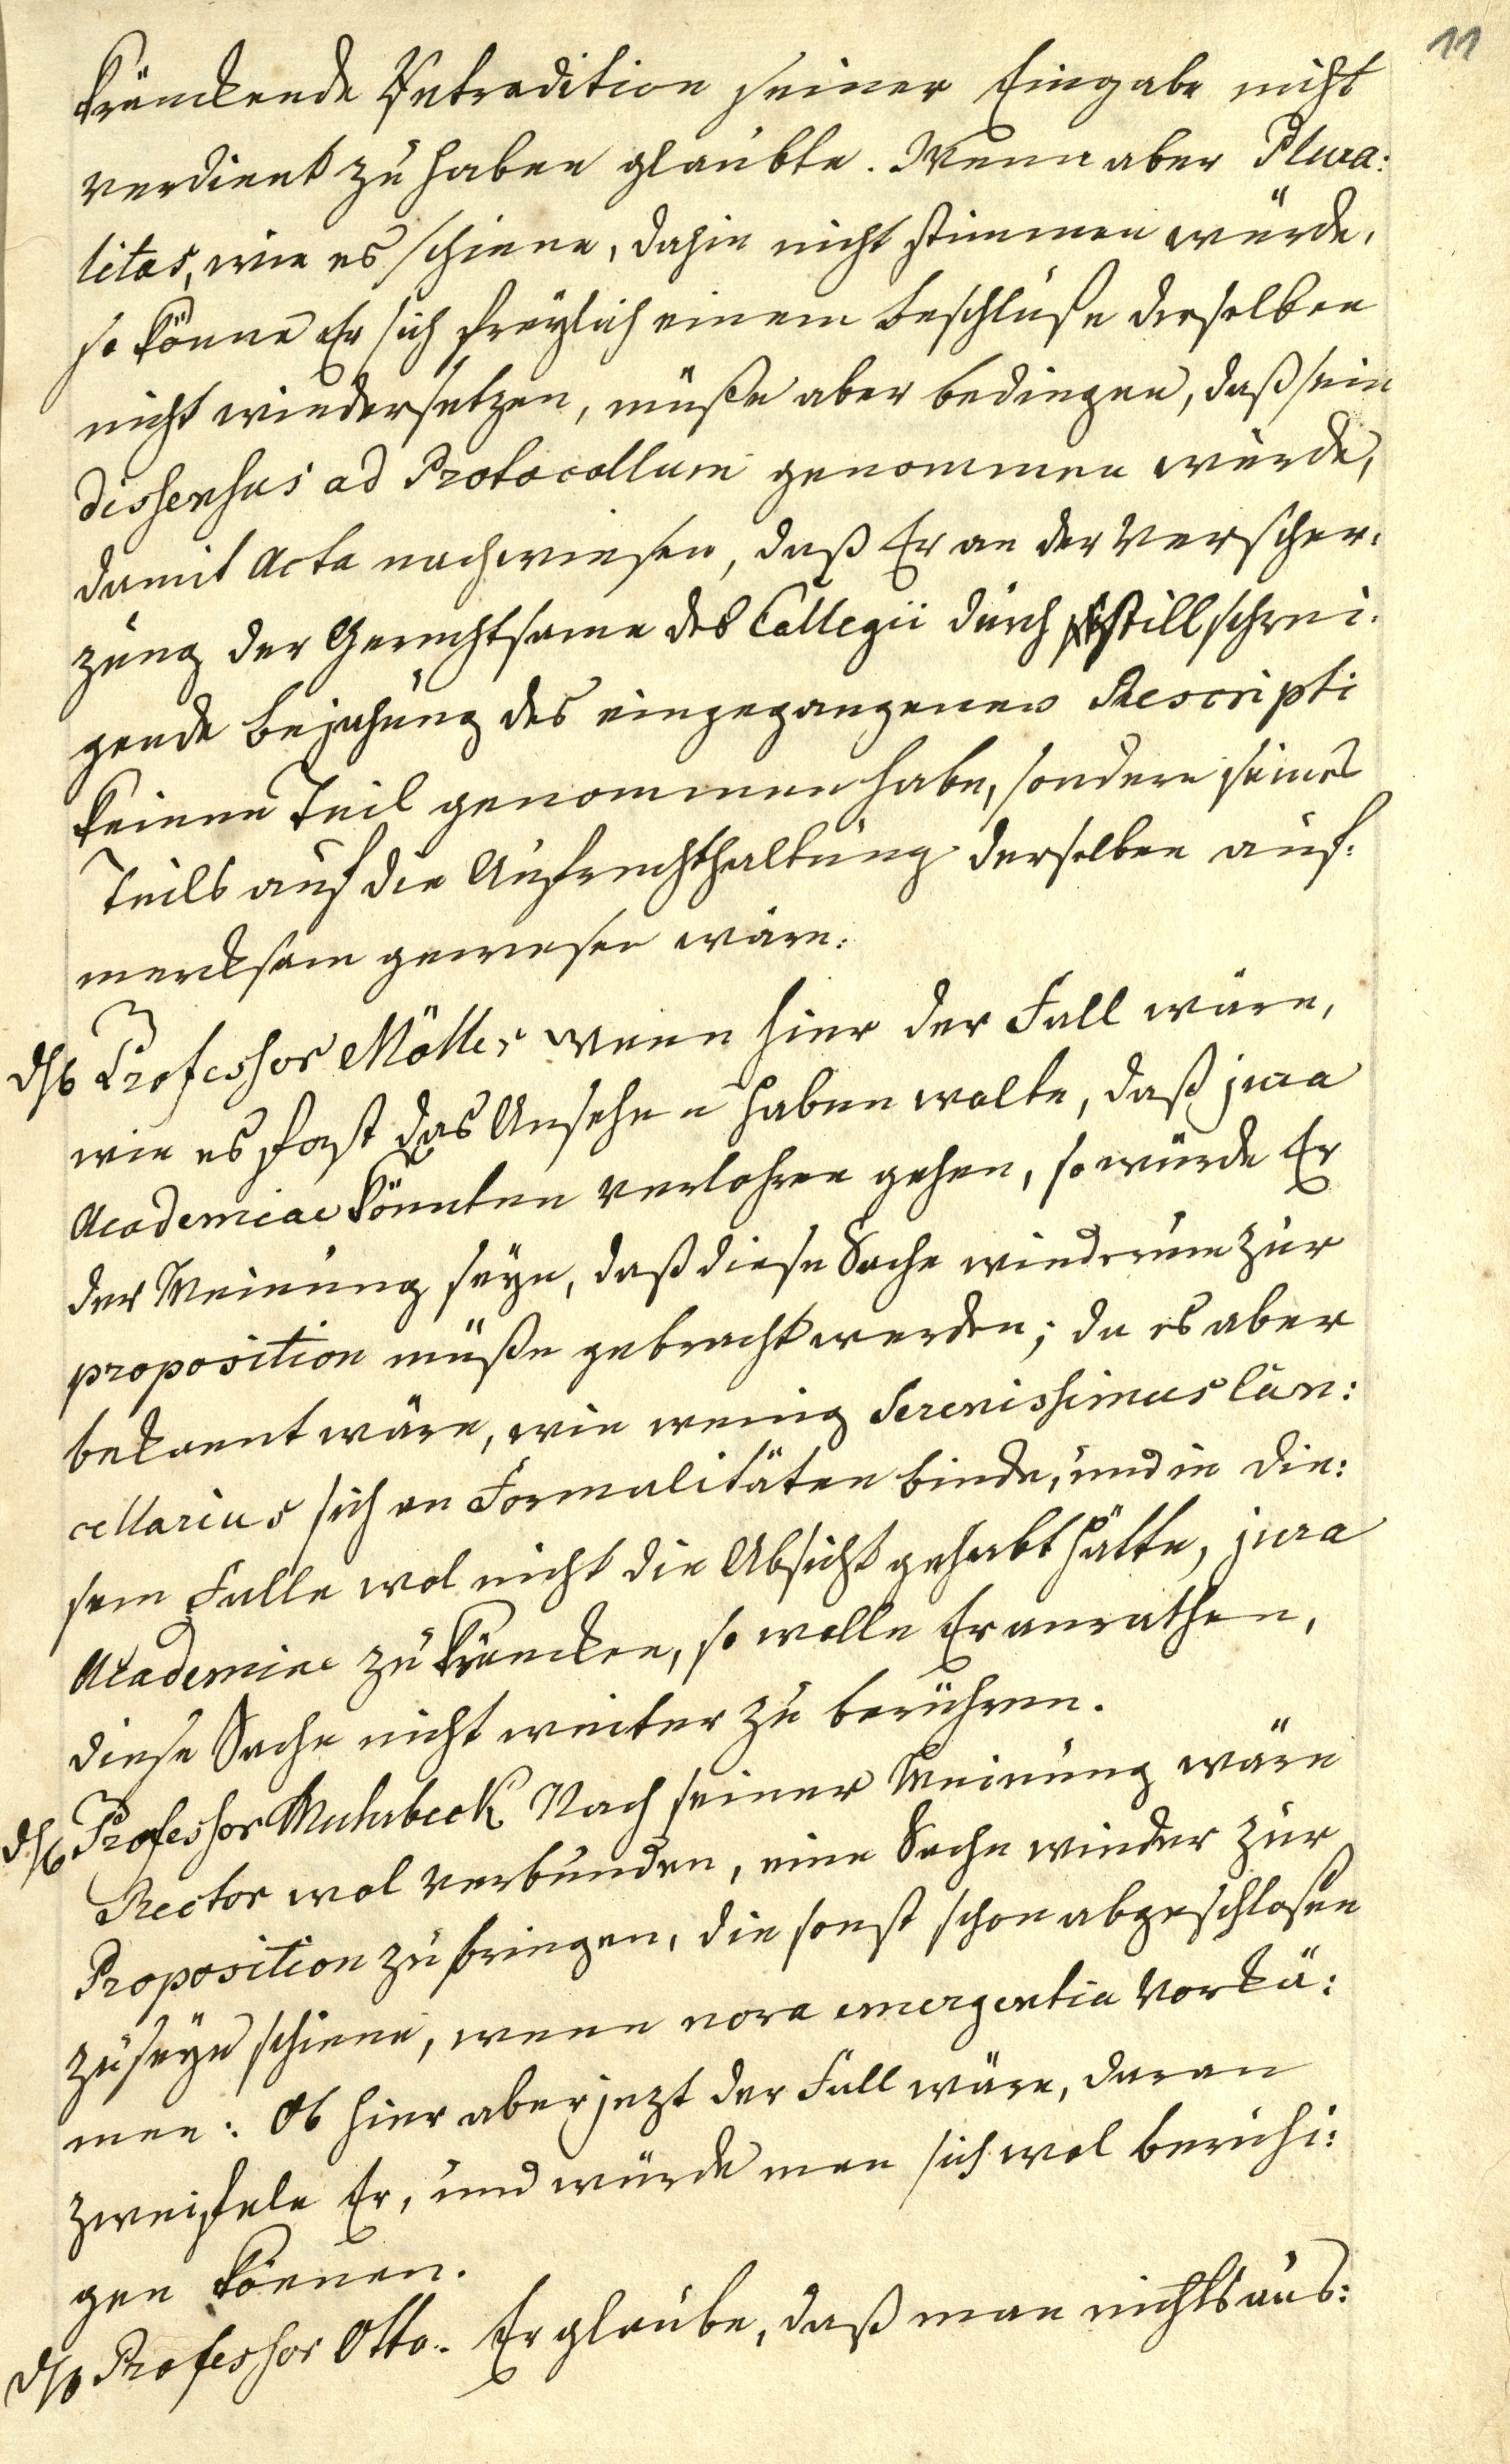kränkende Retradition seiner Eingabe nicht
verdient zu haben glaubte. Wenn aber Plura¬
litas, wie es schiene, dahin nicht stimmen würde,
so könne Er sich freÿlich einem Beschluße derselben
nicht wiedersetzen, müße aber bedingen, daß sein
dissensus ad Protocollum genommen würde,
damit Acta nachwiesen, daß Er an der Verscher¬
zung der Gerechtsame des Collegii durch scstillschwei¬
gende Bejahung des eingegangenen Rescripti
keinen Teil genommen habe, sondern seines
Teils auf die Aufrechthaltung derselben auf¬
merksam gewesen wäre.
dh Professor Möller wenn hier der Fall wäre,
wie es fast das Ansehen haben wolte, daß jura
Academiae könnten verlohren gehen, so würde Er
der Meinung seÿn, daß diese Sache wiederum zur
proposition müße gebracht werden; da es aber
bekannt wäre, wie wenig Serenissimus Can¬
cellarius sich an Formalitäten binde und in die¬
sem Falle wol nicht die Absicht gehabt hätte, jura
Academiae zu kräncken, so wolle Er anrathen,
diese Sache nicht weiter zu berühren.
dh. Professor Muhrbeck. Nach seiner Meinung wäre
Rector wol verbunden, eine Sache wieder zur
Proposition zu bringen, die sonst schon abgeschloßen
zu seÿn schiene, wenn nova emergentia vorkä¬
men: Ob hier aber jezt der Fall wäre, daran
zweifele Er, und würde man sich wol beruhi¬
gen können.
dh Professor Otto. Er glaube, daß man nichts aus¬